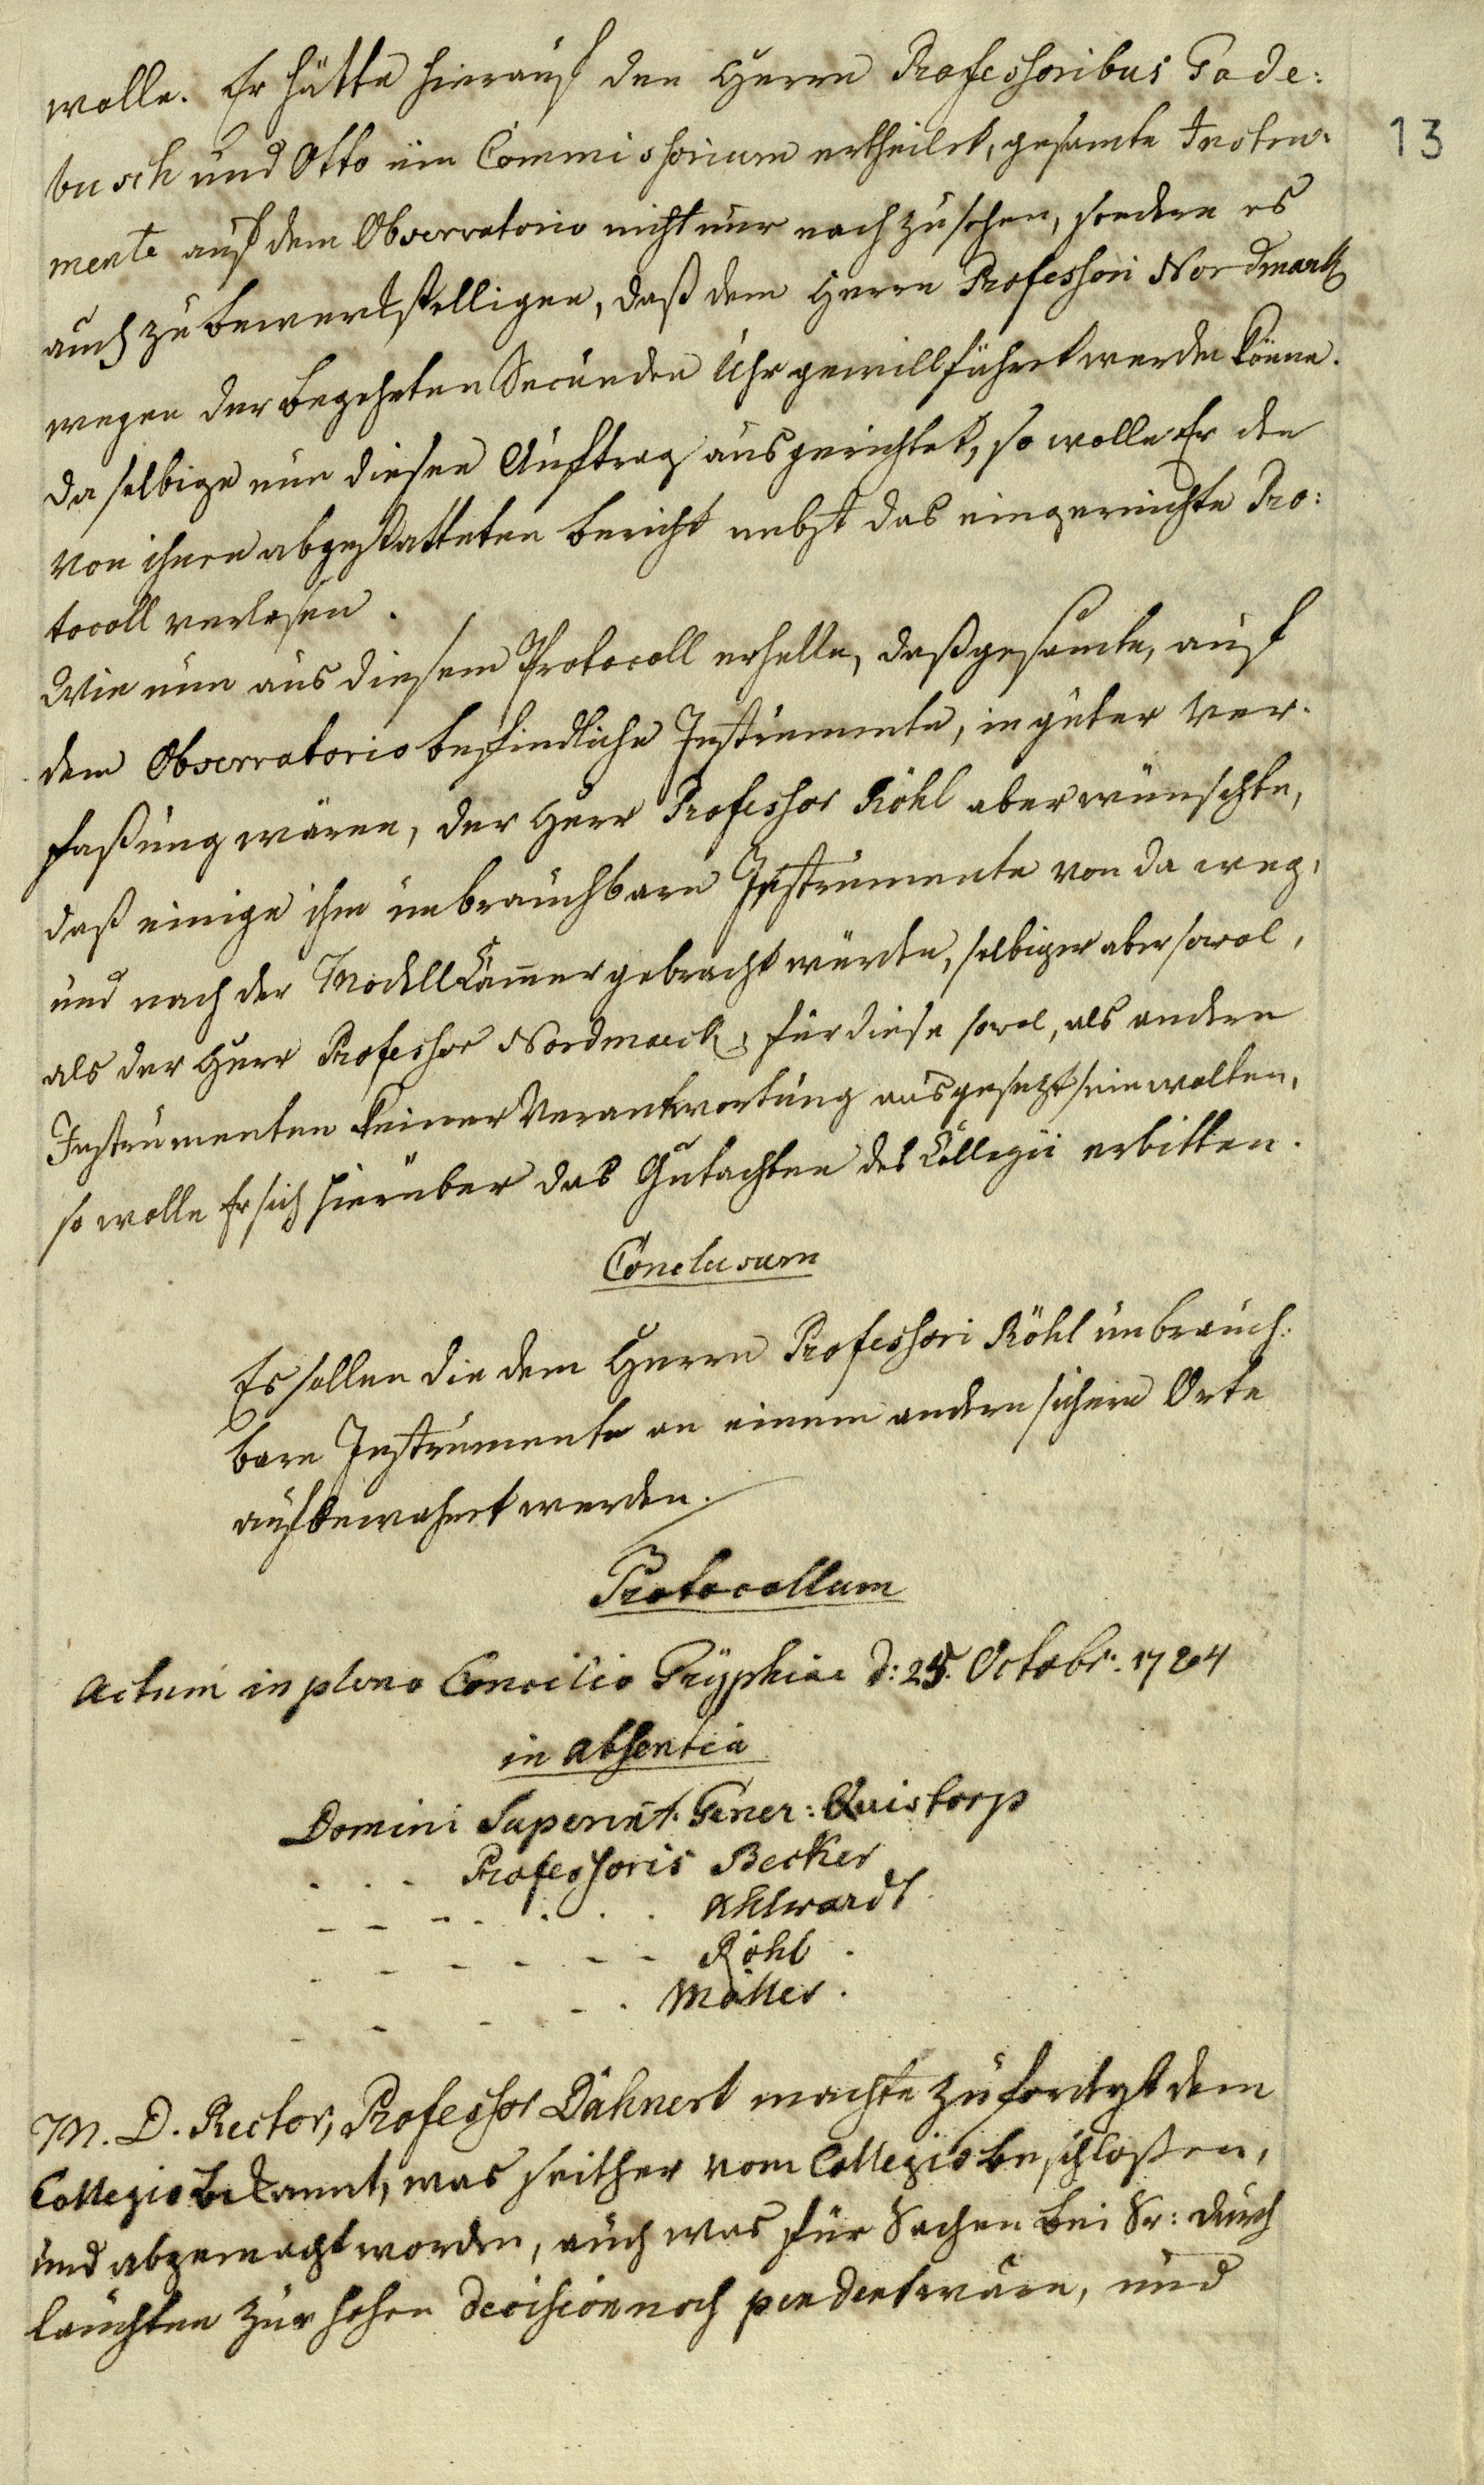wolle. Er hätte hierauf den Herrn Professoribus Gade¬
busch und Otto ein Commissorium ertheilet, gesamte Instru¬
mente auf dem Observatorio nicht nur nachzusehen, sondern es
auch zu bewerckstelligen, daß dem Herrn Professori Nordmark
wegen der begehrten Secunden Uhr gewillfähret werden könne.
Da selbige nun diesen Auftrag ausgerichtet, so wolle Er den
von Ihnen abgestatteten Bericht nebst das eingereichte Pro¬
tocoll verlesen.
Wie nun aus diesem Protocoll erhelle, daß gesamte, auf
dem Observatorio befindliche Instrumente, in guter Ver¬
faßung wären, der Herr Professor Röhl aber wünschte,
daß einige ihm unbrauchbare Instrumente von da weg,
und nach der Modellkamer gebracht würden, selbiger aber sowol,
als der Herr Professor Nordmarck für diese sowol, als andern
Instrumenten keiner Verantwortung ausgesezt sein wollen,
so wolle Er sich hierüber das Gutachten des Collegii erbitten.
Conclusum
Es sollen die dem Herrn Professori Röhl unbrauch¬
bare Instrumente an einem andern sichern Orte
aufbewahret werden.
Protocollum
Actum in pleno Concilio Grÿphiae d. 25. Octobr. 1784
in absentia
Domini Sperint. Gener. Quistorp
Professoris Becker
Ahlwardt.
Röhl.
Möller.
M. D. Rector, Professor Dähnert machte zuforderst dem
Collegio bekannt, was seither vom Collegio beschloßen,
und abgemacht worden, auch was für Sachen bei Sr. Durch¬
lauchten zur hohen decision noch pendent wäre, und